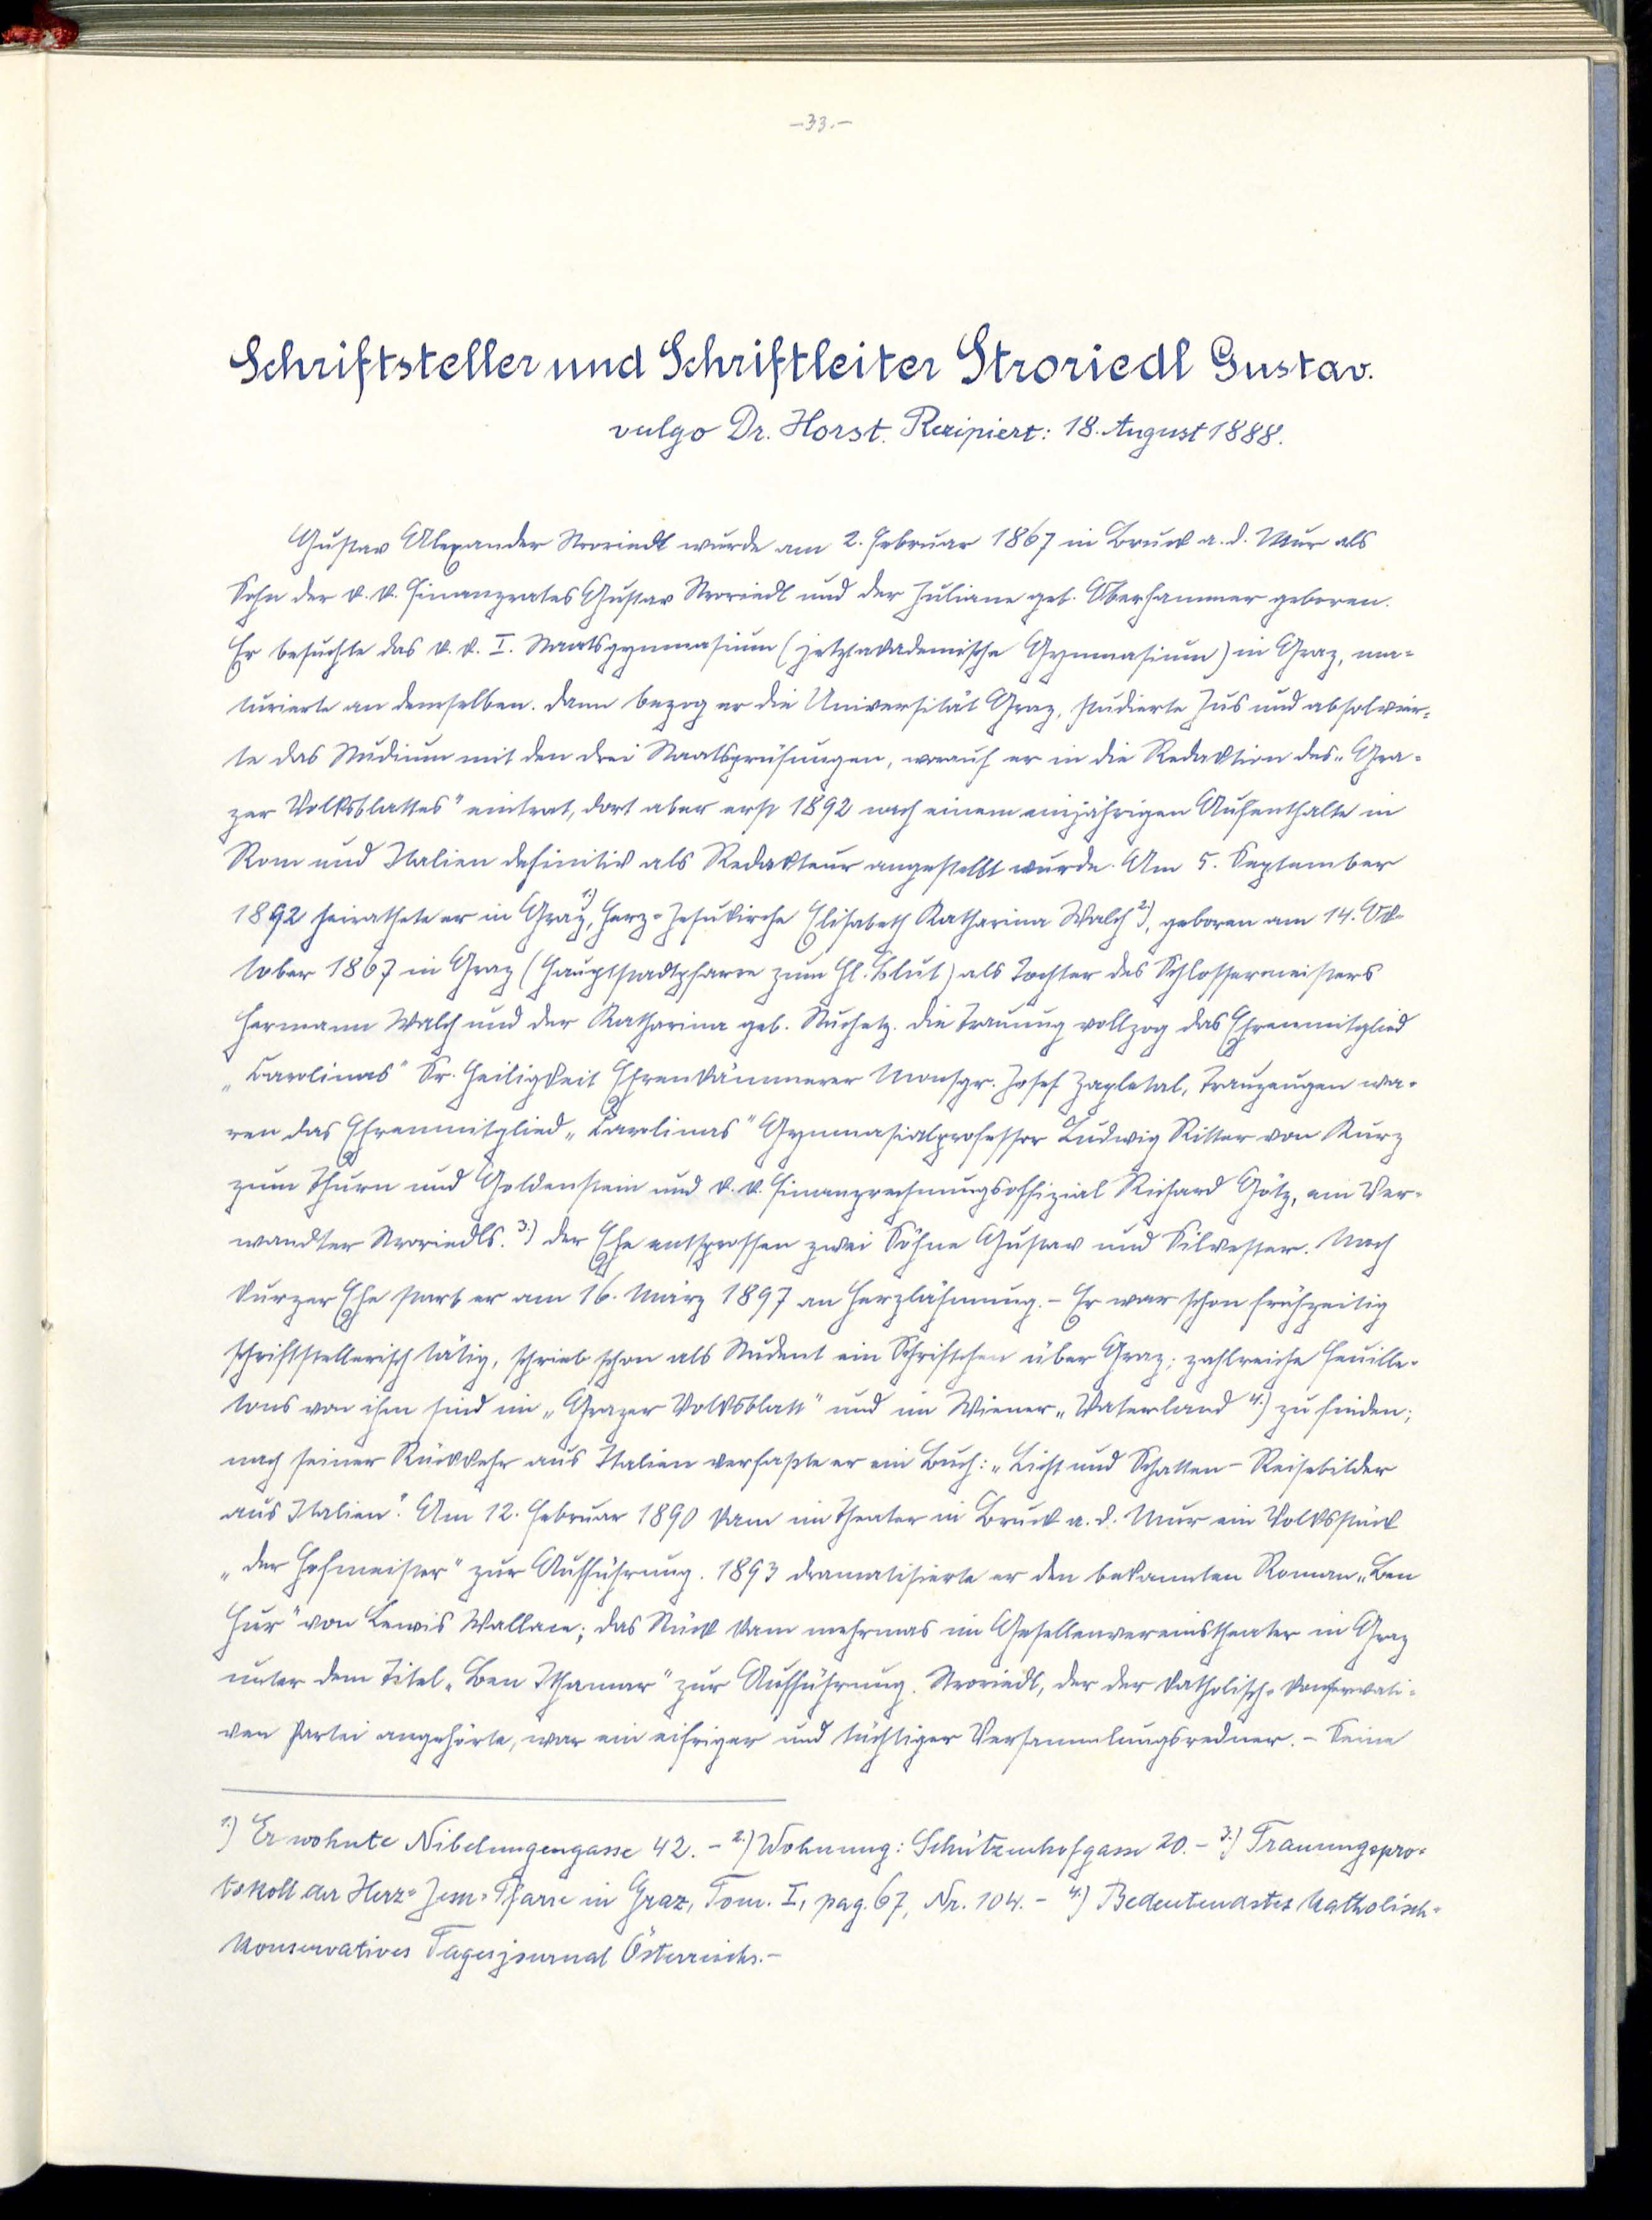33.
Schriftsteller und Schriftleiter Stroriedl Gustav
vulgo Dr. Horst. Rezipiert: 18. August 1888.
Gustav Alexander Stroriedl wurde am 2. Februar 1867 in Bruck a. d. Mur als
Sohn des k. k. Finanzrates Gustav Stroriedl und der Juliane geb. Oberhammer geboren.
Er besuchte das k. k. I. Staatsgymnasium (jetz akademische Gymnasium ) in Graz, ma-
turierte an demselben. Dann bezog er die Universität Graz, studierte Jus und absolvier-
te das Studium mit den drei Staatsprüfungen, worauf er in die Redaktion des "Gra-
zer Volksblattes“ eintrat, dort aber erst 1892 nach einem einjährigen Aufenthalte in
Rom und Italien definitiv als Redakteur angestellte wurde. Am 5. September
1892 heiratete er in Graz 1.), Herz-Jesukirche Elisabeth Katharina Walch 2.), geboren am 14. Ok-
tober 1867 in Graz (Hauptstadtpfarre zum Hl. Blut) als Tochter des Schlossermeisters
Hermann Walch und der Katharina geb. Stuchetz. Die Trauung vollzog das Ehrenmitglied
"Carolinas" Sn. Heiligkeit Ehrenkämmerer Monsgr. Josef Zapletal, Trauzeugen war-
ren das Ehrenmitglied "Carolinas" Gymnasialprofessor Ludwig Ritter von Kurz
zum Thurn und Goldenstein und k. k. Finanzrechnungsoffizial Richard Götz, ein Ver-
wandter Stroriedls. 3.) Der Ehe entsprossen zwei Söhne Gustav und Silvester. Nach
kurzer Ehe starb er am 16. März 1897 an Herzlähmung.- Er war schon frühzeitig
schriftstellerisch tätig, schrieb schon als Student ein Schriftchen über Graz; zahlreiche Feuille-
tons von ihm sind im "Grazer Volksblatt" und im Wiener „Vaterland" 4.) zu finden;
nach seiner Rückkehr aus Italien verfaßte er ein Buch: „Licht und Schatten - Reisebilder
aus Italien“. Am 12. Februar 1890 kam im Theater in Bruck a. d. Mur ein Volksstück
"Der Hofmeister“ zur Aufführung. 1893 dramatisierte er den bekannten Roman "Ben
Hur“ von Lewis Wallace; das Stück kam mehrmas im Gesellenvereinstheater in Graz
unter dem Titel "Ben Ithamar" zur Aufführung. Stroriedl, der der katholisch-konservati-
ven Partei angehörte, war ein eifriger und tüchtiger Versammlungsredner. - Seine
1.) Er wohnte Nibelungengasse 42.- 2.) Wohnung: Schützenhofgasse 20.- 3.) Trauungspro-
tokoll der Herz-Jesu-Pfarre in Graz, Tom. I, pag. 67, Nr. 104.- 4. Bedeutendstes katholisch-
konservatives Tagesjournal Österreichs.-